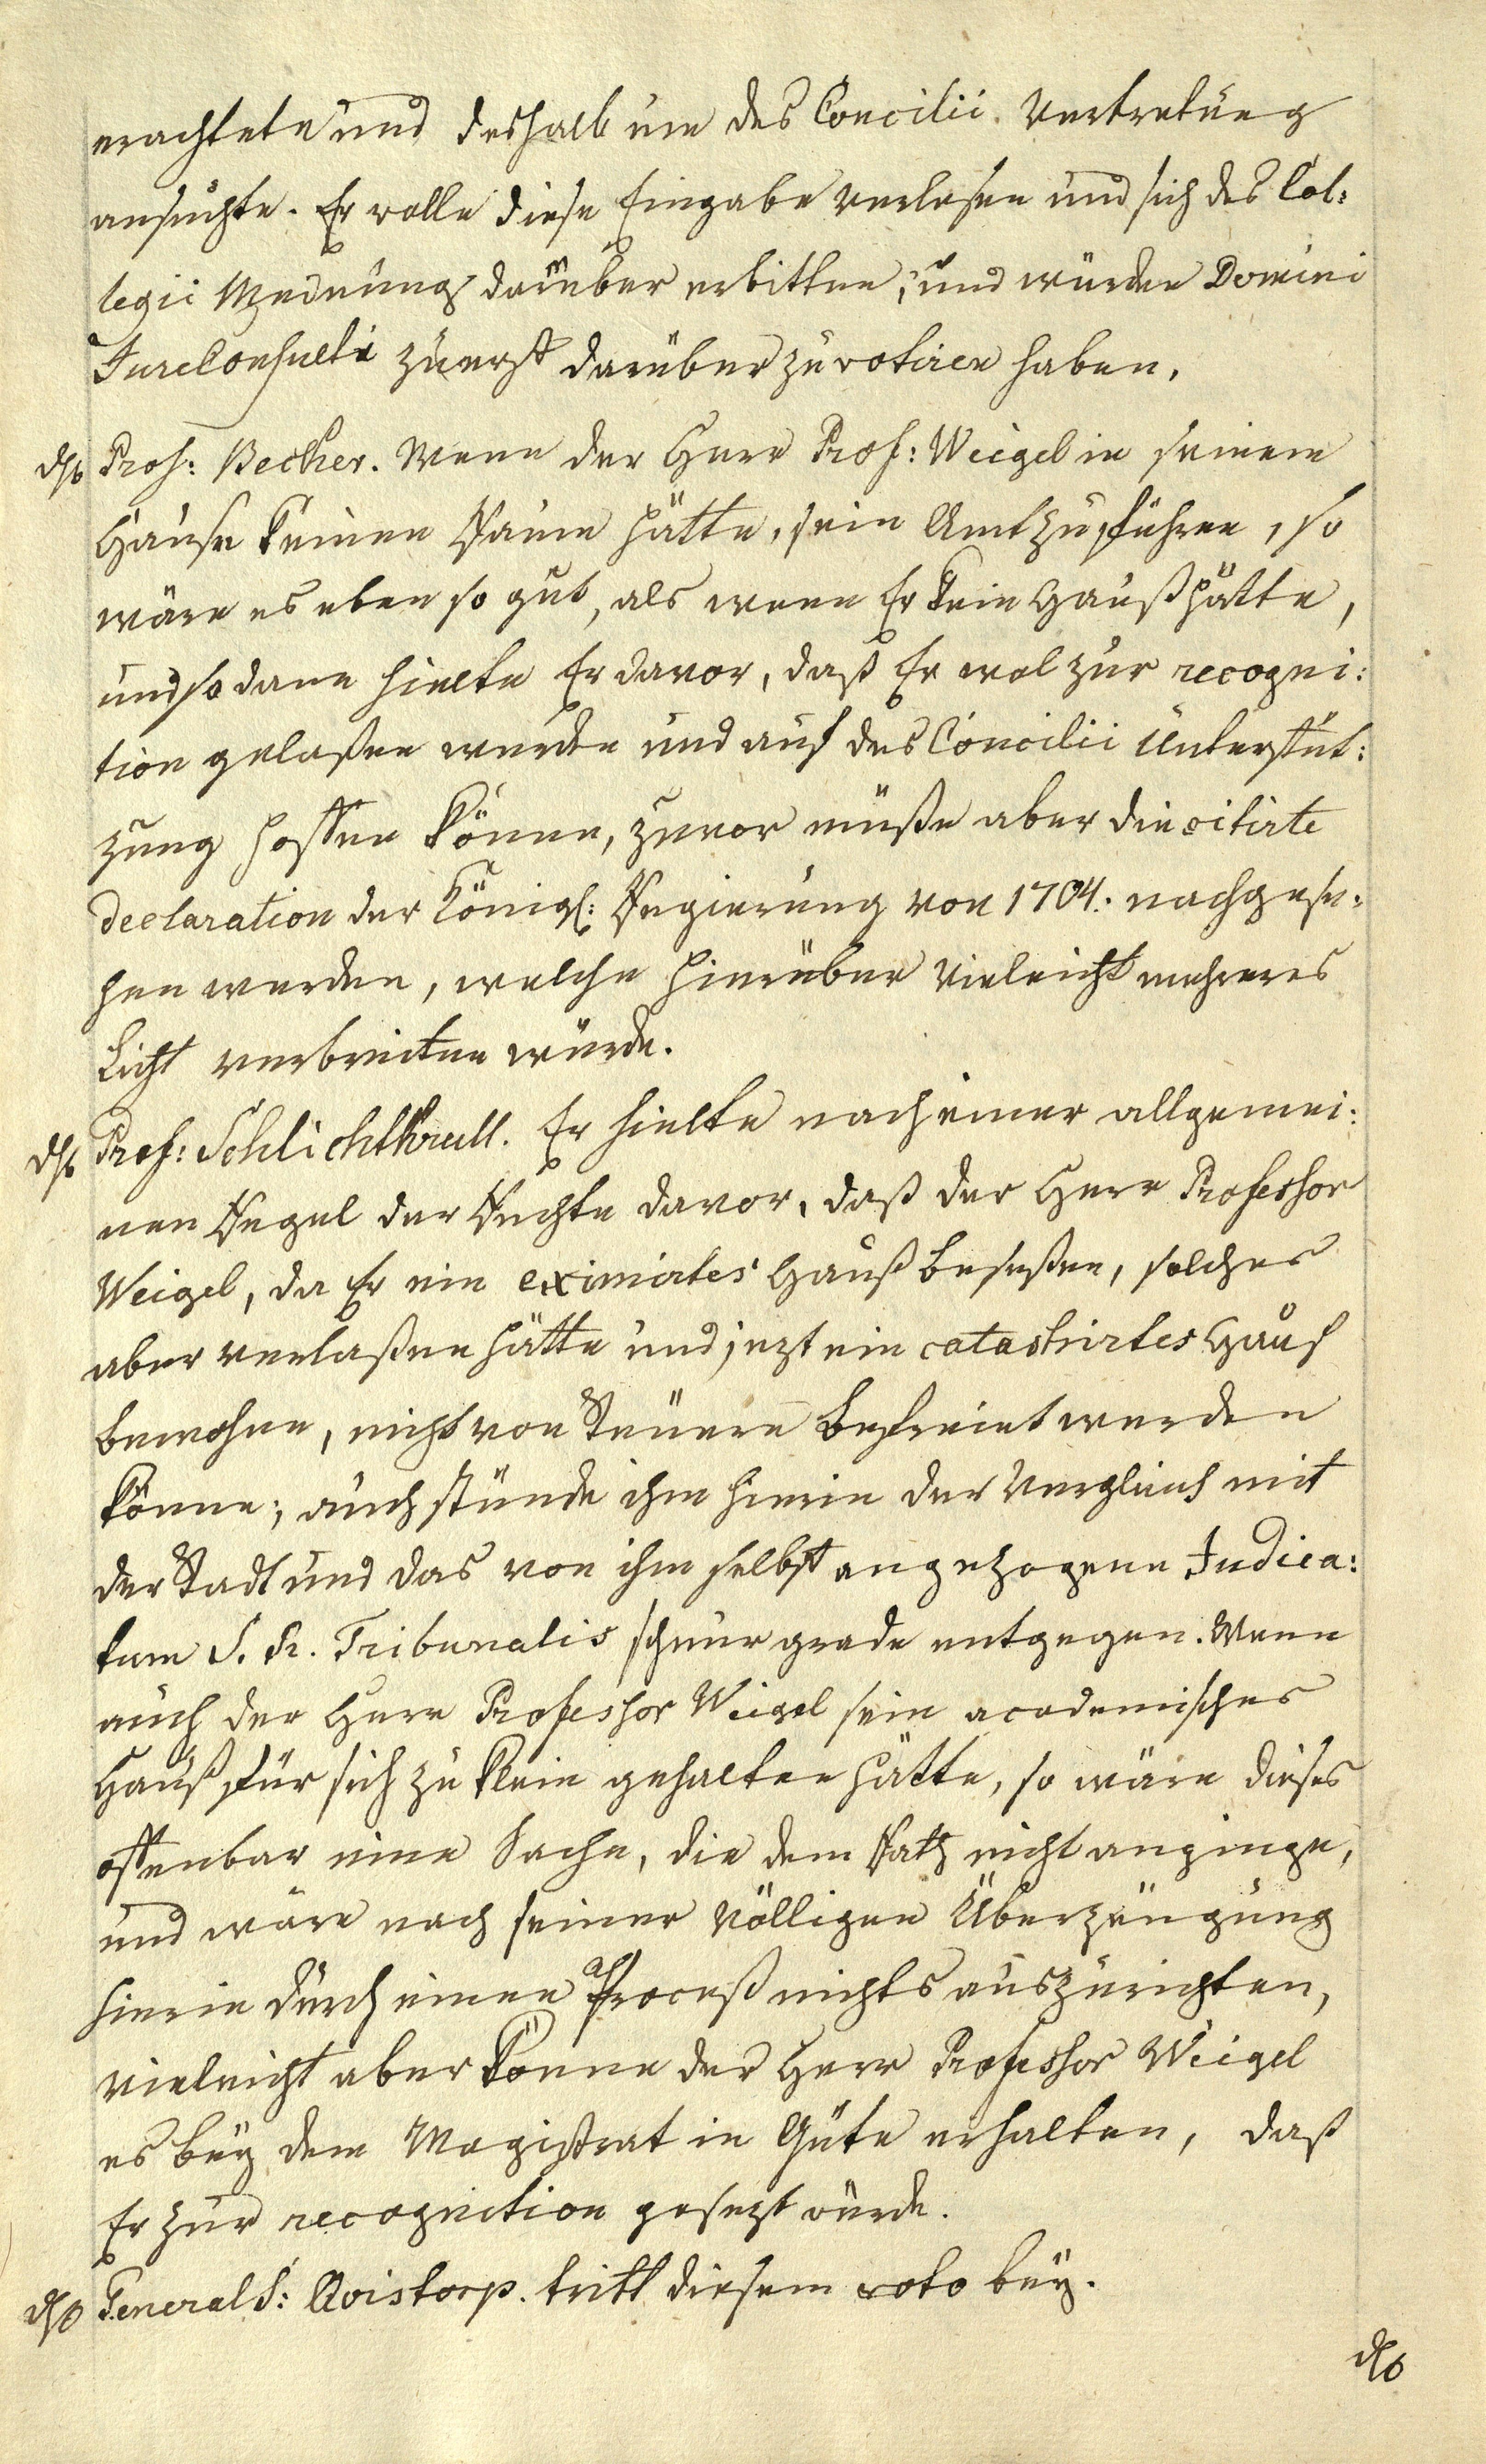erachtete und deshalb um des Concilii Vertretung
ansuchte. Er wolle diese Eingabe verlesen und sich des Col¬
legii Meinung darüber erbitten, und würden Domini
Jureconsulti zuerst darüber zu votiren haben,
dh Prof Becker. Wenn der Herr Prof. Weigel in seinem
Hause keinen Raum hätte, sein Amt zuführen, so
wäre es eben so gut, als wenn Er kein Hauß hätte,
und so dann hielte Er davor, daß Er wol zur recogni¬
tion gelaßen werden und auf des Concilii Unterstüt¬
zung hoffen könne, zuvor müße aber die sitirte
declaration der Königl. Regierung von 1704. nachgese¬
hen werden, welche hierüber vieleicht mehreres
Licht verbreiten würde.
dh Prof. Schlichtkrull. Er hielte nach einer allgemei¬
nen Regel der Rechte davor, daß der Herr Professor
Weigel, da Er ein eximirtes Hauß beseßen, solches
aber verlassen hätte und jezt ein catastrirtes Haus
bewohne, nicht von Steuern befreiet werden
könne, auch stünde ihm hierin der Vergleich mit
der Stadt und das von ihm selbst angezogene Judica¬
tum S. R. Tribunalis schnur grade entgegen. Wenn
auch der Herr Professor Weigel sein academisches
Hauß für sich zu klein gehalten hätte, so wäre dieses
offenbar eine Sache, die dem Rath nicht anginge,
und wäre nach seiner völligen Überzeugung
hierin durch einen Proceß nichts auszurichten,
vieleicht aber könne der Herr Professor Weigel
es beÿ dem Magistrat in Güte erhalten, daß
Er zur recognition gesezt würde.
dh GeneralS. Quistorp tritt diesem voto beÿ.
dh